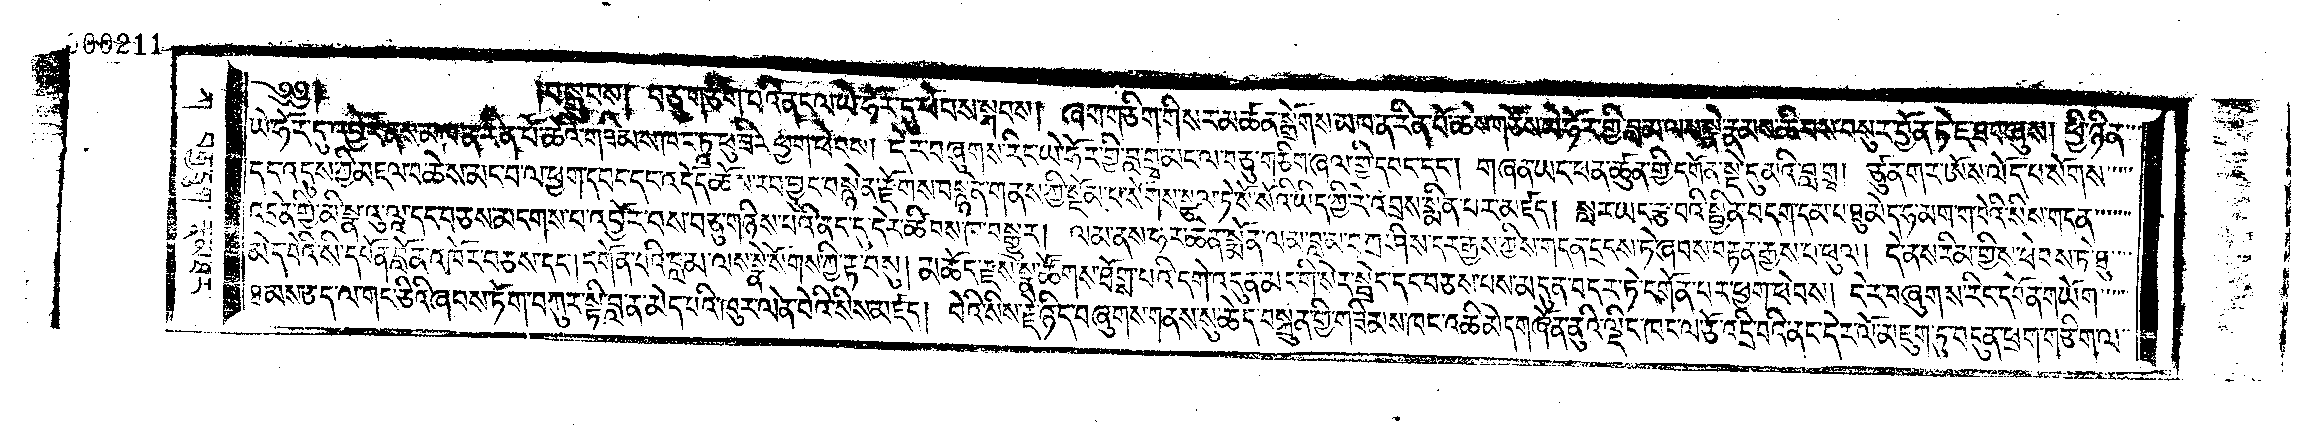༄༅། །བསྒྲུབས། བཅུ་གཅིག་པའི་ནང་ལ་ཡེ་ཧོར་དུ་ཕེབས་སྐབས། ཞག་གཅིག་གི་སར་མཚན་སྒྲོགས་མཁན་རིན་པོ་ཆེས་གཙོས་ཡེ་ཧོར་གྱི་བླ་མ་ལས་སྣེ་རྣམས་ཆིབས་བསུར་བྱོན་ཏེ་ཇ་ཐབ་ཞུས། ཕྱི་ཉིན་
ཡེ་ཧོར་དུ་འབྱོར་ནས་མཁན་རིན་པོ་ཆེའི་གཟིམས་ཁང་ཏཱ་ཕུ་ཟིར་ཕྱག་ཕེབས། དེར་བཞུགས་རིང་ཡེ་ཧོར་གྱི་བླ་གྲྭ་མང་ལ་བཅུ་གཅིག་ཞལ་གྱི་དབང་དང་། གཞན་ཡང་ཕན་ཚུན་གྱི་དགོན་སྡེ་དུ་མའི་བླ་གླ། ཙུན་གར་ཨོས་ལོད་པ་སོགས་
དད་འདུས་ཀྱི་མཇལ་བ་ཆེས་མང་བ་ལ་ཕྱག་དབང་དང་འདོད་ཆོས་རབ་བྱུང་བསྙེན་རྫོགས་བསྙེན་གནས་ཀྱི་སྡོམ་པ་སོགས་སྩལ་ཏེ་སོ་སོའི་ཡིད་ཀྱི་རེ་འབྲས་སྨིན་པར་མཛད། སླར་ཡང་རྩ་བའི་སྦྱིན་བདག་དམ་པ་ཐུ་མེད་ཧ་མག་ག་པེའི་སིས་གདན་
འདྲེན་གྱི་མི་སྣ་འུ་ལཱ་དང་བཅས་མངགས་པ་འབྱོར་པས་བཅུ་གཉིས་པའི་ནང་དུ་དེར་ཆིབས་ཁ་བསྒྱུར། ལམ་ནས་ཧར་ཆེན་སྨོན་ལམ་བླ་མ་བཀྲ་ཤིས་དར་རྒྱས་ཀྱིས་གདན་དྲངས་ཏེ་ཞབས་བརྟན་རྒྱས་པ་ཕུལ། དེ་ནས་རིམ་གྱིས་ཕེབས་ཏེ་ཐུ་
མེད་པེའི་སི་དཔོན་བློན་འཁོར་བཅས་དང་། དགོན་པའི་བླ་མ་ལས་སྣོ་སོགས་ཀྱི་རྟ་བསུ། མཆོད་རྫས་སྣ་ཚོགས་ཐོགས་པའི་དགེ་འདུན་མང་གི་སེར་སྤྲེང་དང་བཅས་པས་མདུན་བདར་ཏེ་དགོན་པར་ཕྱག་ཕེབས། དེར་བཞུགས་རིང་དཔོན་གཡོག་
ཐམས་ཅད་ལ་གང་ཅིའི་ཞབས་ཏོག་བཀུར་སྟི་བླ་ན་མེད་པའི་ཁུར་ལེན་པེའི་སིས་མཛད། པེའི་སིས་རྗེ་ཉིད་བཞུགས་གནས་སུ་ཆེད་བསྐྲུན་གྱི་གཟིམས་ཁང་འཆི་མེད་གཞོན་ནུའི་ལྡིང་ཁང་ལ་ཅོ་འདྲི་བའི་ནང་དེར་ལོ་མཇུག་ཏུ་བདུན་ཕྲག་གཅིག་ལ་